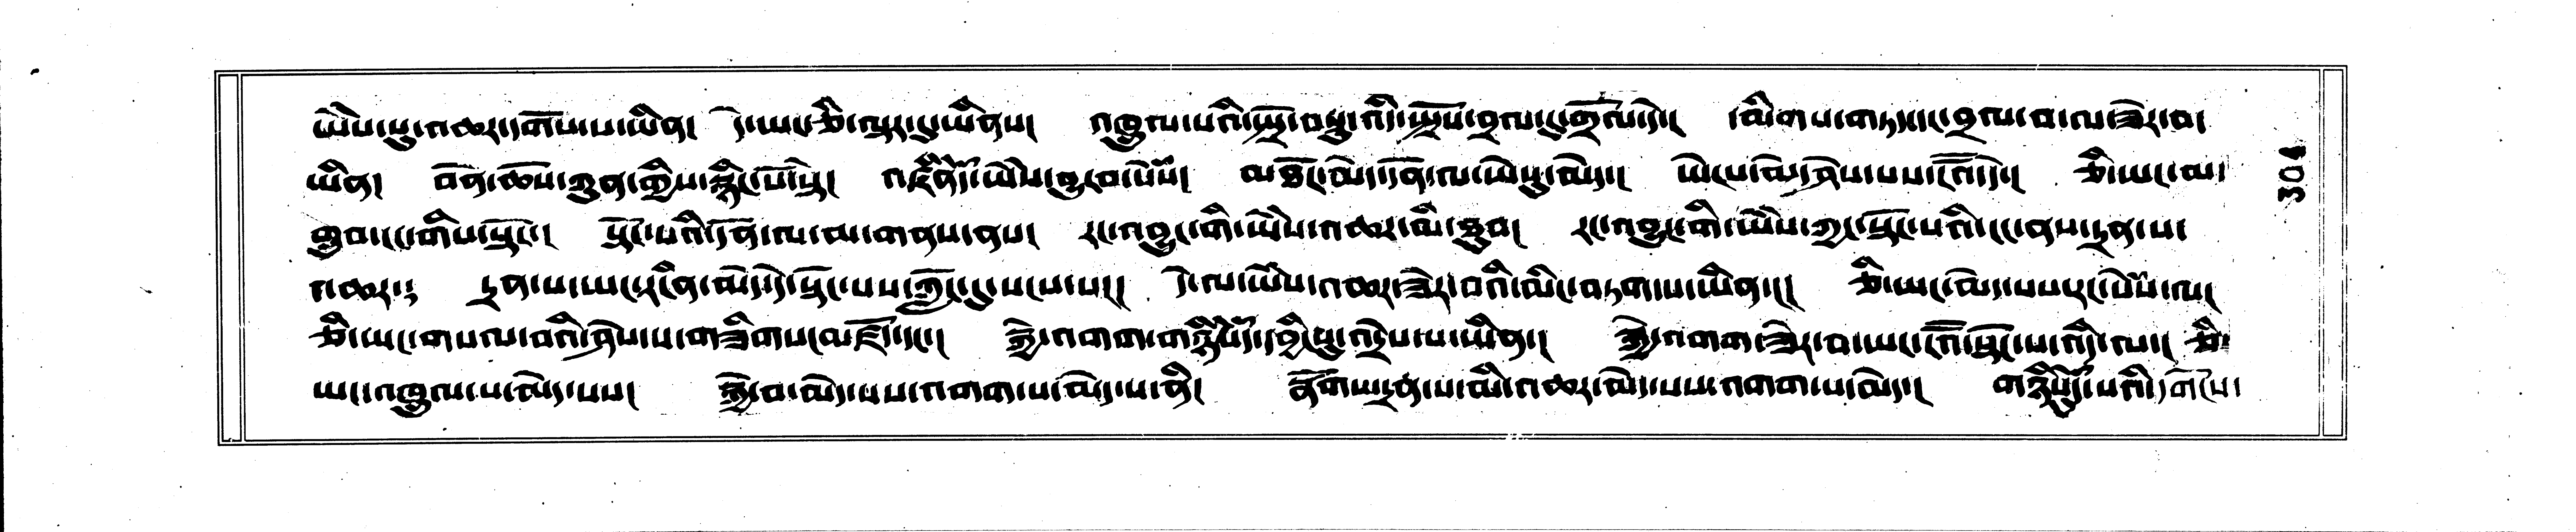ཡེ་ཤེས་སུ་འཆར་དགོས་པ་ཡིན། དེ་ཡང་ཅིར་དུ་ཡིན་ན། འཁྲུལ་པའི་སྤྲོས་བསྡུ་ནི་སྤྲོས་བྲལ་དུ་གྲོལ་ཏེ། དམིགས་གཏད་དང་བྲལ་བ་ལ་ཟེར་བ་
ཡིན། བོན་ཆོས་ཀུན་གྱིས་སྙིང་པོ་དེ། འཛིན་མེད་ཡེ་ཤེས་བྱང་ཆུབ་སེམས། མཐོང་མེད་དོན་ལ་ཡེངས་སུ་མེད། ཡེང་མེད་ཤེས་པའི་ངོའོ་དེ། ཅིར་ཡང་མ་
གྲུབ་ངང་གིས་སྟོང་། སྟོང་པའི་དོན་ལ་མ་གནས་ན། རང་འབྱུང་གི་ཡེ་ཤེས་འཆར་མི་ཐུབ། རང་འབྱུང་གི་ཡེ་ཤེས་ཀྱང་སྟོང་པའི་ངང་ནས་དྲན་པ་
འཆར། དྲན་པ་ལ་ཡང་རང་བཞིན་མེད་དེ་སྟོང་པའི་ཀློང་དུ་སངས་པ་དེ་ལས་ཡེ་ཤེས་འཆར་ཟེར་བའི་མིང་བཏགས་པ་ཡིན། ཅི་ཡང་མེད་པའི་རང་སེམས་ལ། 
ཅི་ཡང་གསལ་བའི་ཤེས་པས་གཟིགས་མོ་མཛོད་དང་། སྐྱེ་འགགས་གཉིས་མེད་དབྱིངས་སུ་འདྲེས་པ་ཡིན། སྐྱེ་འགགས་ཟེར་བ་ཡང་ངོའོ་སྟོང་པ་འདི་ལ་ ཅི་
ཡང་གྲུབ་པ་མེད་པས་ནི་སྐྱེ་བ་མེད། འགགས་པ་མེད་པ་ནི། སྣ་ཚོགས་དྲན་པ་མི་འཆར་མེད་པས་འགགས་པ་མེད། གཉིས་སུ་མེད་པས་